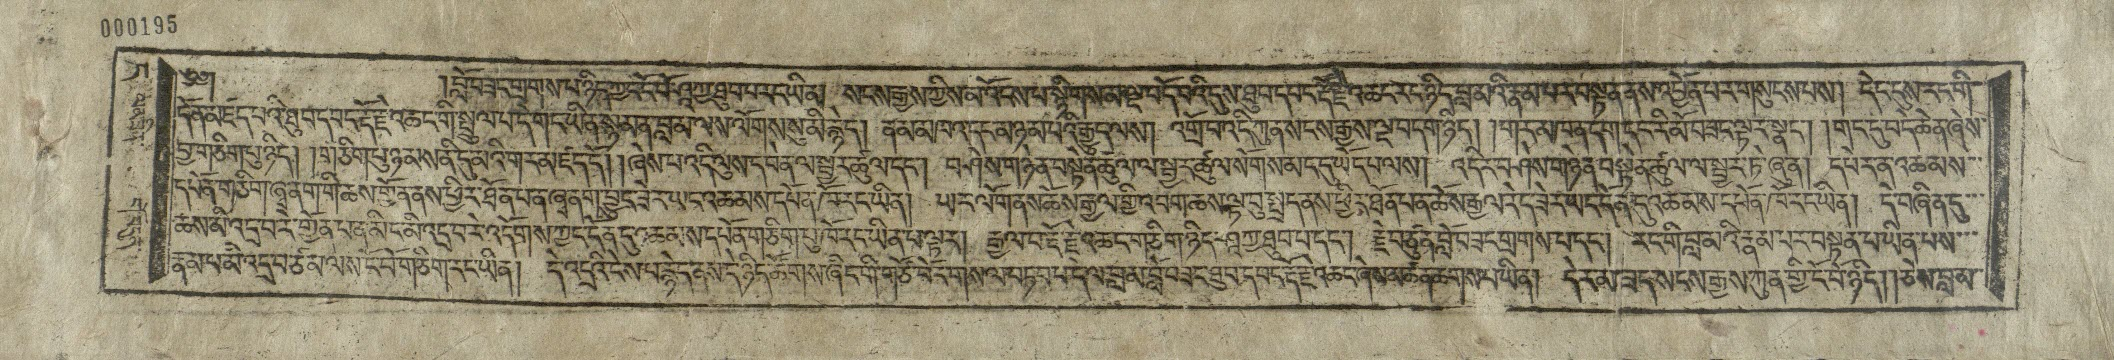༄༅། །བློ་བཟང་གྲགས་པ་ཉིད་ཀྱང་ངོ་བོ་ཤཱཀྱ་ཐུབ་པ་རང་ཡིན། སངས་རྒྱས་ཀྱིས་མ་འོངས་པ་སྙིགས་མ་ལྔ་བདོ་བའི་དུས་ཐུབ་དབང་རྡོ་རྗེ་འཆང་རང་ཉིད་བླ་མའི་རྣམ་པར་བསྟན་ནས་འབྱོན་པར་གསུངས་པས། དེང་དུས་རང་གི་
དོན་མཛད་པའི་ཐུབ་དབང་རྡོ་རྗེ་འཆང་གི་སྤྲུལ་པ་དེ་གང་ཡིན་སྙམ་ན་བླ་མ་ལས་ལོགས་སུ་མི་རྙེད། ནམ་མཁའ་དང་མཉམ་པའི་རྒྱུད་ལས། འགྲོ་བ་འདི་ཀུན་སངས་རྒྱས་ལྔ་བདག་ཉིད། །གར་མཁན་དག་དང་རི་མོ་བཟང་ལྟར་སྣང་། །གང་དུ་བདེ་ཆེན་ཞེས་
བྱ་གཅིག་པུ་ཉིད། །གཅིག་པུ་ཉམས་ནི་དུ་མའི་གར་མཛད་དོ། །ཞེས་པ་འདི་ལུས་དབེན་ལ་སྦྱར་ཚུལ་དང་། བཤེས་གཉེན་བསྟེན་ཚུལ་ལ་སྦྱར་ཚུལ་སོགས་མང་དུ་ཡོད་པ་ལས། འདིར་བཤེས་གཉེན་བསྟེན་ཚུལ་ལ་སྦྱར་ཏེ་ཞུ་ན། དཔེར་ན་འཆམས་
དཔོན་གཅིག་ཞྭ་ནག་གི་ཆས་གྱོན་ནས་ཕྱིར་ཐོན་པ་ན་ཞྭ་ནག་བྱུང་ཟེར་ཡང་འཆམས་དཔོན་ཁོ་རང་ཡིན། ཡར་ལོག་ནས་ཆོས་རྒྱལ་གྱི་འབག་ཆས་ལྟ་བུ་སྤྲད་ནས་ཕྱིར་ཐོན་པན་ཆོས་རྒྱལ་རེད་ཟེར་ཡང་དོན་དུ་འཆམས་དཔོན་ཁོ་རང་ཡིན། དེ་བཞིན་དུ་
ཆས་མི་འདྲ་བ་རེ་གྱོན་པན་མིང་མི་འདྲ་བ་རེ་འདོགས་ཀྱང་དོན་དུ་འཆམས་དཔོན་གཅིག་པུ་ཁོ་རང་ཡིན་པ་ལྟར། རྒྱལ་བ་རྡོ་རྗེ་འཆང་གཅིག་ཉིད་ཤཱཀྱ་ཐུབ་པ་དང་། རྗེ་བཙུན་བློ་བཟང་གྲགས་པ་དང་། རང་གི་བླ་མའི་རྣམ་པར་བསྟན་པ་ཡིན་པས་
རྣམ་པ་མི་འདྲ་བ་ཙམ་ལས་ངོ་བོ་གཅིག་རང་ཡིན། དེ་འདྲའི་ངེས་པ་རྙེད་ནས་དེ་ཉིད་ཚོགས་ཞིང་གི་གཙོ་བོར་གསལ་བཏབ་པ་དེ་ལ་བླ་མ་བློ་བཟང་ཐུབ་དབང་རྡོ་རྗེ་འཆང་ཞེས་མཚན་ཆགས་པ་ཡིན། དེར་མ་ཟད་སངས་རྒྱས་ཀུན་གྱི་ངོ་བོ་ཉིད། །ཅེས་བླ་མ་